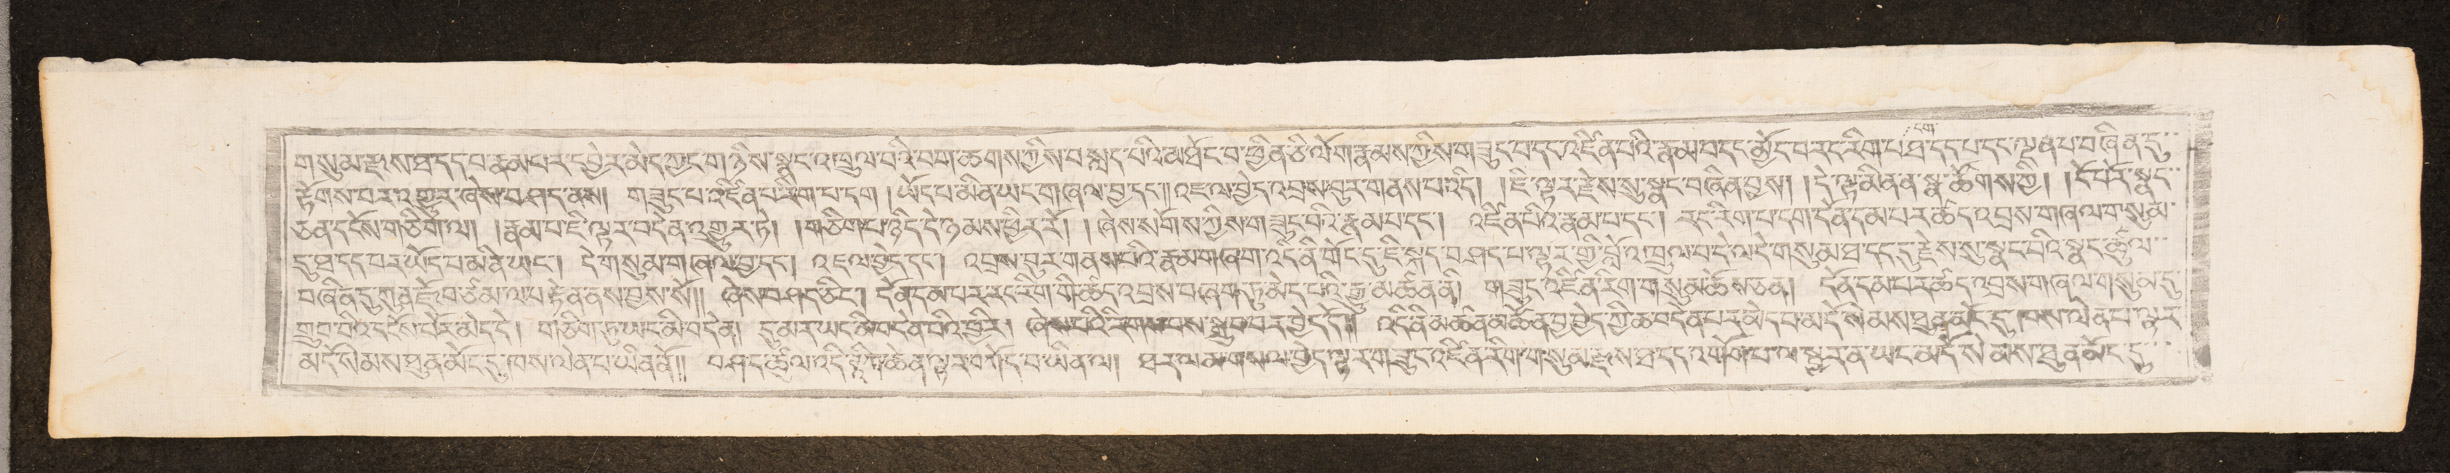གསུམ་རྫས་ཐ་དད་པ་རྣམ་པར་དབྱེར་མེད་ཀྱང་གཉིས་སྣང་འཁྲུལ་བའི་བག་ཆགས་ཀྱིས་བསླད་པའི་མཐོང་བ་ཕྱིན་ཅི་ལོག་རྣམས་ཀྱིས་གཟུང་བ་དང་འཛིན་པའི་རྣམ་པ་དང་མྱོང་བ་རང་རིག་པ་ཐ་དད་པ་དང་ལྡན་པ་བཞིན་དུ་
རྟོགས་པར་འགྱུར་ཞེས་བཤད་ནས། གཟུང་པ་འཛིན་པ་རིག་པ་དག །ཡོད་པ་མིན་ཡང་གཞལ་བྱ་དང།། འཇལ་བྱེད་འབྲས་བུར་གནས་པ་འདི། །ཇི་ལྟར་རྗེས་སུ་སྣང་བཞིན་བྱས། །དེ་ལྟ་མིན་ན་སྣ་ཚོགས་ཀྱི། །ངོ་བོར་སྣང་
ཅན་དངོས་གཅིག་ལ། །རྣམ་པ་ཇི་ལྟར་བདེན་འགྱུར་ཏེ། །གཅིག་པ་ཉིད་དེ་ཉམས་ཕྱིར་རོ། །ཞེས་སོགས་ཀྱིས་གཟུང་པའི་རྣམ་པ་དང་། འཛིན་པའི་རྣམ་པ་དང་། རང་རིག་པ་དག་དོན་དམ་པར་ཚེད་འབྲས་གཞལ་གསུམ་
དུ་ཐ་དད་པར་ཡོད་པ་མིན་ཡང་། དེ་གསུམ་གཞལ་བྱ་དང་། འཇལ་བྱེད་དང་། འབྲས་བུར་གནས་པའི་རྣམ་གཞག་འདི་ནི་གོང་དུ་ཇི་སྐད་བཤད་པ་ལྟར་གྱི་བློ་འཁྲུལ་བ་དེ་ལ་དེ་གསུམ་ཐ་དད་དུ་རྗེས་སུ་སྣང་བའི་སྣང་ཚུལ་
བཞིན་དུ་ཀུན་རྫོབ་ཙམ་ལ་བརྟེན་ནས་བྱས་སོ།། ཞེས་བཤད་ཅིང་། དོན་དམ་པར་རང་རིག་གི་ཚད་འབྲས་བཞག་ཏུ་མེད་པའི་རྒྱུ་མཚན་ནི། གཟུང་འཛིན་རིག་གསུམ་ཆོས་ཅན། དོན་དམ་པར་ཚད་འབྲས་གཞལ་གསུམ་དུ་
གྲུབ་པའི་དངོས་པོར་མེད་དེ། གཅིག་ཏུ་ཡང་མི་བདེན། དུ་མར་ཡང་མི་བདེན་པའི་ཕྱིར། ཞེས་པའི་རིགས་པས་སྒྲུབ་པར་བྱེད་དོ།། འདི་ནི་མཚན་མཚོན་བྱ་བྱེད་ཀྱི་ཆ་བདེན་པར་མེད་པ་མདོ་སེམས་ཐུན་མོང་དུ་ཁས་ལེན་པ་ལྟར་
མངོ་སེམས་ཐུན་མོང་དུ་ཁས་ལེན་པ་ཡིན་ནོ།། བཤད་ཚུལ་འདི་ཊཱིཀ་ཆེན་ལྷར་བཀོད་པ་ཡིན་ལ། ཐར་ལམ་གསལ་བྱེད་ལྟར་གཟུང་འཛིན་རིག་གསུམ་རྫས་ཐ་དད་འགོག་པ་ལ་སྦྱར་ན་ཡང་མདོ་སེམས་ཐུན་མོང་དུ་